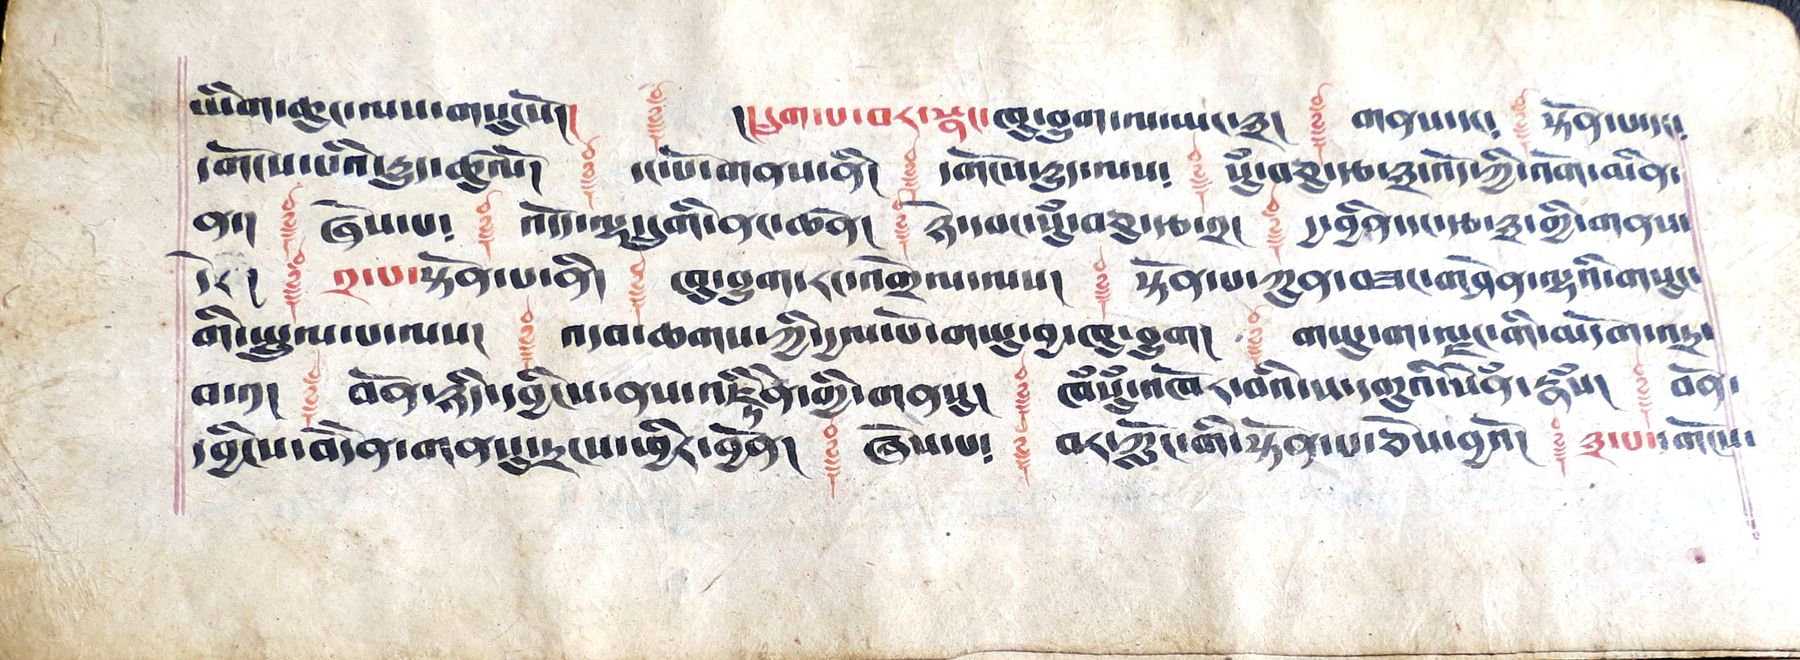ཡིག་ཆུང་ལས་གསུངས་སོ། ། དྲུག་པ་བར་སྣང་ཁུ་བྱུག་ལ་ཡང་གསུམ། གནས་དང་སྟོན་པ་དང་། 
དགོངས་པའི་བརྒྱུད་ཚུལ་ལོ། ། དང་པོ་གནས་ནི། (དགོངས་རྒྱུད་ལས) སུམ་ཅུ་རྩ་གསུམ་འོད་ཀྱི་འོག་མིན་
ན། ཞེས་པས། འདོད་ལྷ་དྲུག་གི་ནང་ཚན། ཉེ་དབང་སུམ་ཅུ་རྩ་གཉིས། བརྒྱ་བྱིན་དང་རྩ་གསུམ་གྱི་གནས་
དེའོ། གཉིས་པ་སྟོན་པ་ནི། ཁུ་བྱུག་རང་འགྲེལ་ལས། སྟོན་པ་ཀུན་བཟང་གཤེན་ལྷའི་གསུང་
གི་སྤྲུལ་པ་ལས། འདབ་ཆགས་ཀྱི་རྒྱལ་པོ་གཡུ་བྱ་ཁུ་བྱུག་གཡུ་ག་ལྗང་གི་མདོག་འདྲ་
བ་ཞིག བོན་ཉིད་ཀྱི་ས་ནས་འཇིག་རྟེན་གྱི་གནས་སུ། ཁམས་གསུམ་འཁོར་བའི་ས་དགུའི་སེམས་ཅན་རྣམས། བོན་
དབྱིངས་བདེ་ཆེན་གནས་སུ་དྲང་ཕྱིར་བྱོན། ཞེས་པས། བར་ཀློང་གི་སྟོན་པ་ཞེས་བྱའོ། ། གསུམ་པ་དགོངས་པའི་བརྒྱུད་